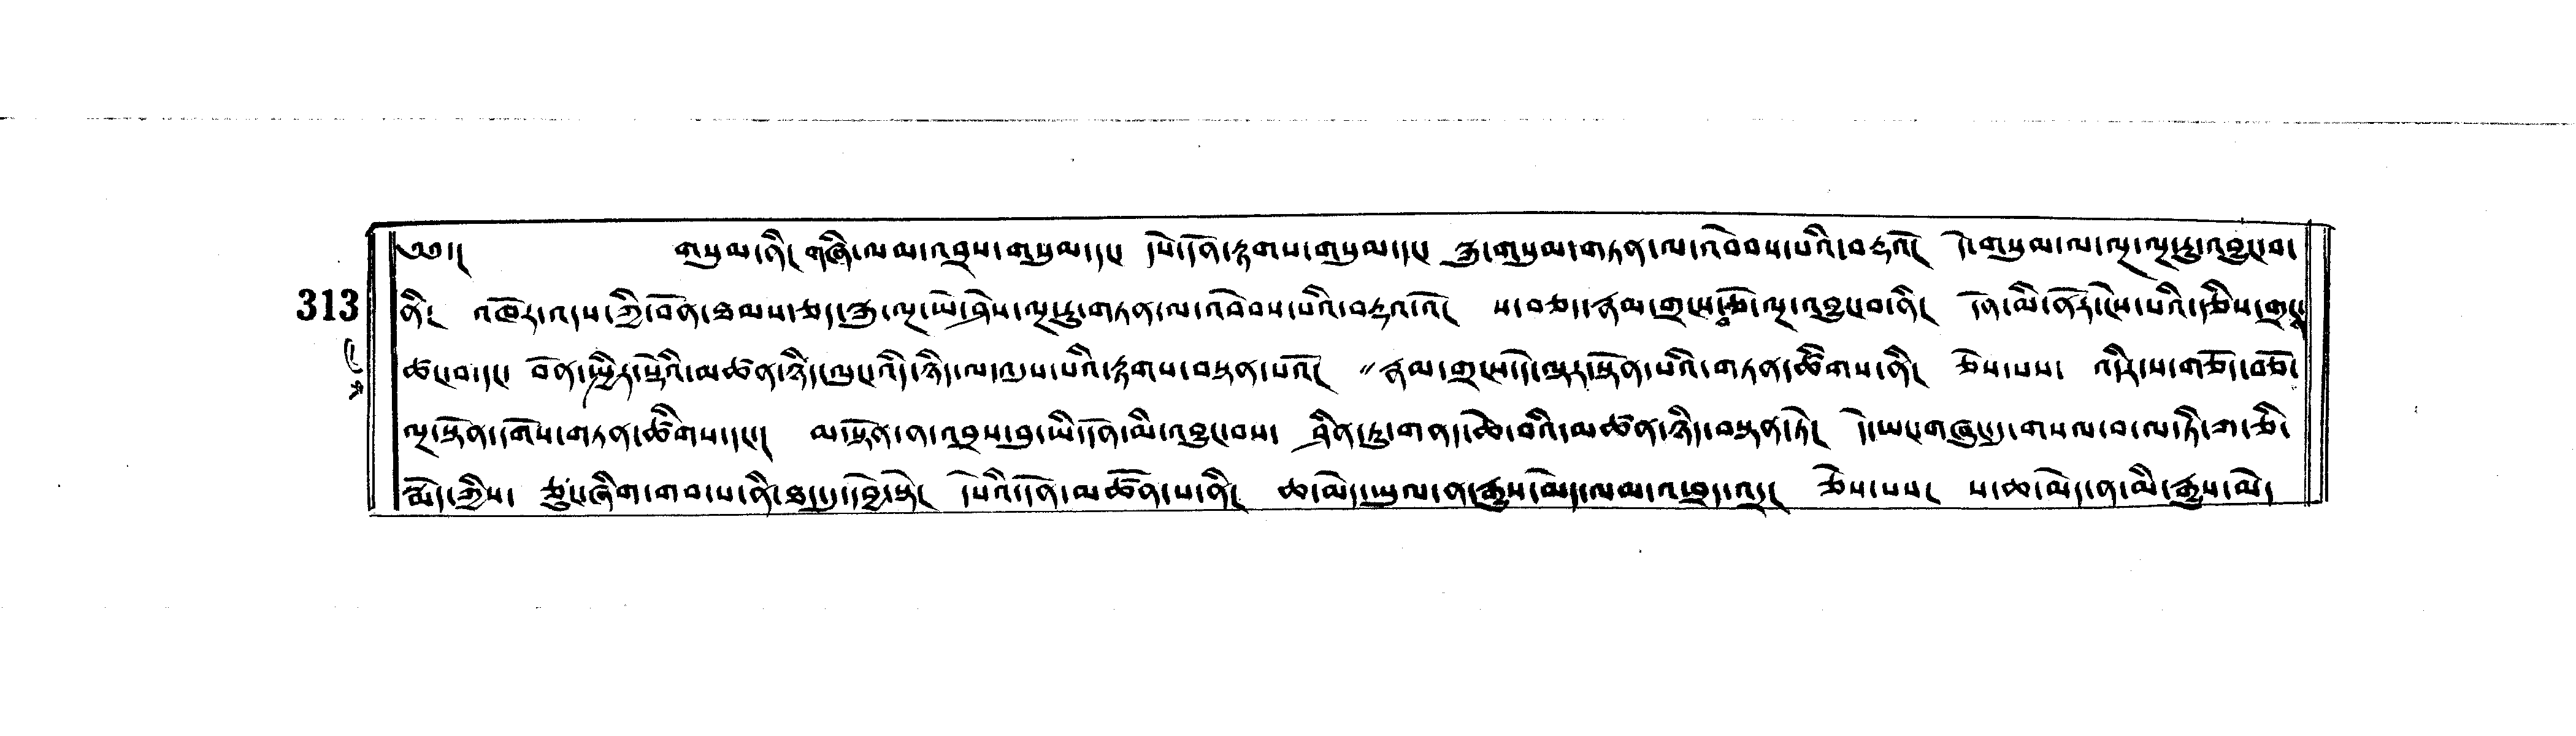གསུམ་ནི། གཞི་ལམ་འབྲས་གསུམ་དང་། དཔེ་དོན་རྟགས་གསུམ་དང་། སྐུ་གསུམ་གཏན་ལ་འབེབས་པའི་བརྡའོ། དེ་གསུམ་ལ་ལྔ་ལྔ་རུ་འབྱུང་བ་
ནི། འཁོར་འདས་ཀྱི་བོན་ཐམས་ཅད་སྐུ་ལྔ་ཡེ་ཤེས་ལྔ་རུ་གཏན་ལ་འབེབས་པའི་བརྡའོ། ས་བཅད་རྣམ་གྲངས་བཅོ་ལྔ་འབྱུང་བ་ནི། དོན་མི་ནོར་ངེས་པའི་རྩིས་གྲངས་
ཚང་བ་དང་། བོན་སྤྱིར་སྡེའི་མཚན་ཉིད་ལུང་འདི་ཉིད་ལ་འདུས་པའི་རྟགས་བསྟན་པའོ། ༧ རྣམ་གྲངས་དེ་ལྟར་བསྟན་པའི་གཏན་ཚིགས་ནི། ཅེས་པས་འདིར་ས་བཅད་བཅོ་
ལྔ་སྟོན་དགོས་གཏན་ཚིགས་དང་། མ་སྟོན་ན་འབྲས་བུ་ཡི་དོན་མི་འབྱུང་བས། ཤིན་ཏུ་གནད་ཆེ་བའི་མཚན་ཉིད་བསྟན་ཏེ། དེ་ཡང་གཞུང་དུ་གསལ་བ་ལ་ཏི་ཀ་ཅི་
སྨོད་ཀྱིས། ཅུང་ཞིག་གབ་པ་ནི་ཐད་དུ་དབྱེ་སྟེ། དཔེའི་དོན་མཚོན་པ་ནི། ཆ་མེད་ཡུལ་ན་རྒྱུས་མེད་ལམ་འཕྲད་འདྲ། ཅེས་པས། ས་ཆ་མེད་ན་མི་རྒྱུས་མེད་